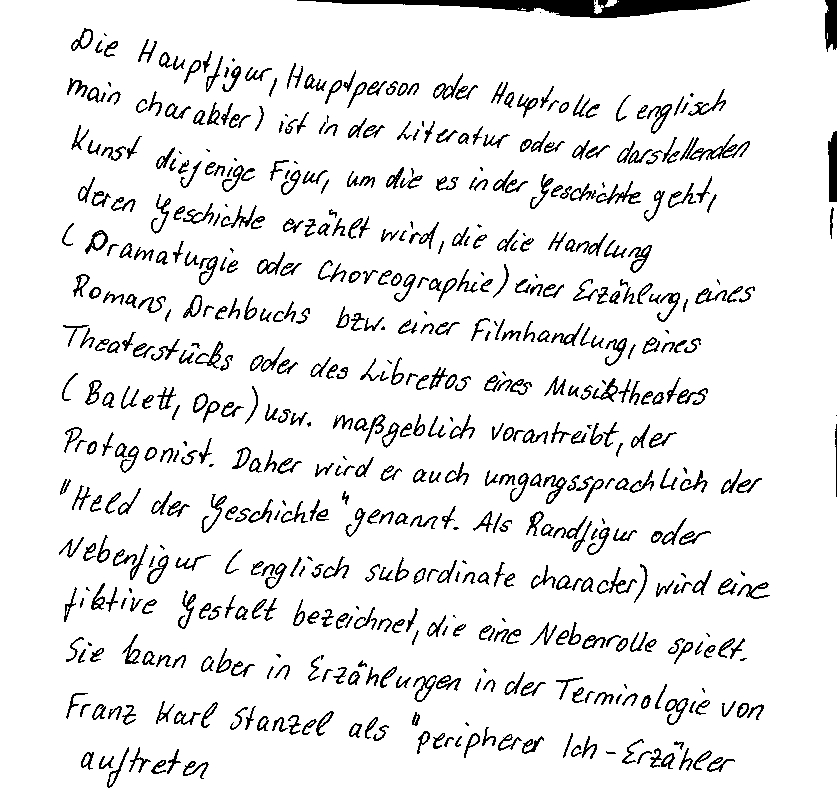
Die Hauptfigur, Hauptperson oder Hauptrolle (englisch
main character) ist in der Literatur oder dar darstellenden Kunst
diejenige Figur, um die es in der Geschichte geht,
deren Geschichte erzählt wird, die die Handlung
(Dramaturgie oder Choreographie) einer Erzählung, eines
Romans, Drehbuchs bzw. einer Filmhandlung, eines
Theaterstücks oder des Librettos eines Musiktheaters
(Ballett, Oper) usw. maßgeblich vorantreibt, der
Protagonist. Daher wird er auch umgangssprachlich der
"Held der Geschichte "genannt. Als Randfigur oder
Nebenfigur (englisch subordinate character) wird eine
fiktive Gestalt bezeichnet, die eine Nebenrolle Spielt
Sie kann aber in Erzählungen in der Terminologie von
Franz Karl Stanzel als "peripherer Ich-Erzähler
auftreten
